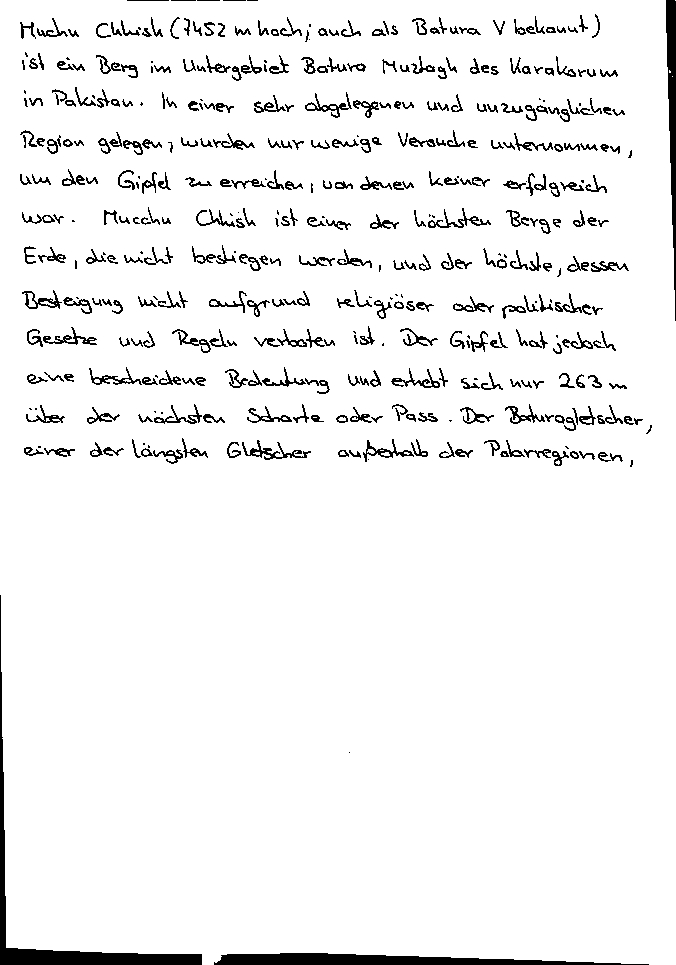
Muchu Chhish (7452 m hoch; auch als Batura V bekannt)
ist ein Berg im Untergebiet Batura Muztagh des Karakorum
in Pakistan. In einer sehr abgelegenen und unzugänglichen
Region gelegen, wurden nur wenige Versuche unternommen,
um den Gipfel zu erreichen, von denen keiner erfolgreich
war. Muchu Chhish ist einer der höchsten Berge der
Erde, die nicht bestiegen werden, und der höchste, dessen
Besteigung nicht aufgrund religiöser oder politischer
Gesetze und Regeln verboten ist. Der Gipfel hat jedoch
eine bescheidene Bedeutung und erhebt sich nur 263 m
über der nächsten Scharte oder Pass. Der Baturagletscher,
einer der Längsten Gletscher außerhalb der Polarregionen,
